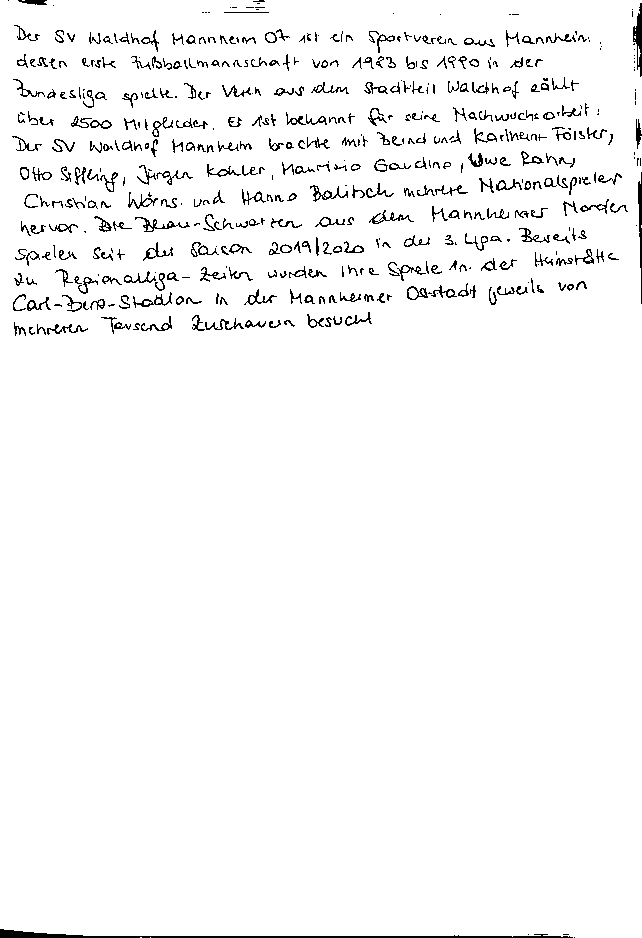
Der SV Waldhof Mannheim 07 ist ein Sportverein aus Mannheim,
dessen erste Fußballmannschaft von 1983 bis 1990 in der
Bundesliga spielte. Der Verein aus dem Stadtteil Waldhof zählt
über 2500 Mitglieder. Er ist bekannt für seine Nachwuchsarbeit:
Der SV Waldhof Mannheim brachte mit Bernd und Karlheinz Förster,
Otto Siffling, Jürgen Kohler, Maurizio Gaudino, Uwe Rahn,
Christian Wörns und Hanno Balitsch mehrere Nationalspieler
hervor. Die Blau-Schwarzen aus dem Mannheimer Norden
spielen seit der Saison 2019/2020 in der 3. Liga. Bereits
zu Regionalliga-Zeiten wurden ihre Spiele in der Heimstätte
Carl-Benz-Stadion in der Mannheimer Oststadt jeweils von
mehreren Tausend Zuschauern besucht.
